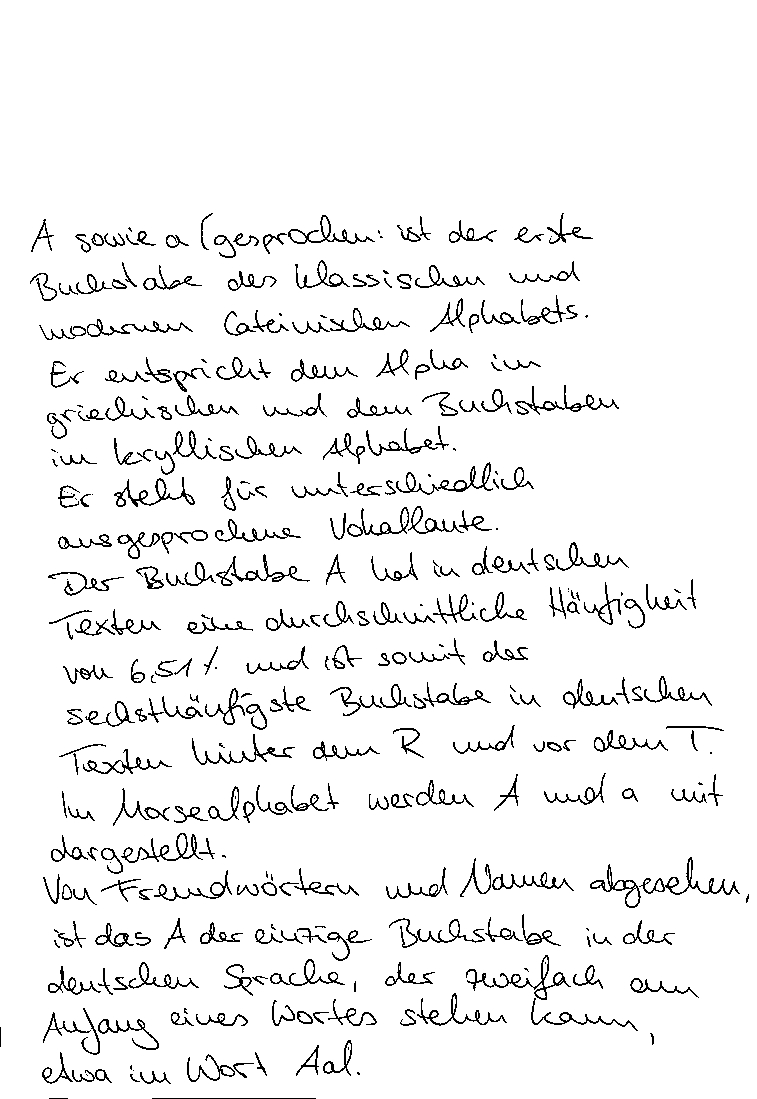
A sowie a (gesprochen: ist der erste
Buchstabe des klassischen und
modernen lateinischen Alphabets.
Er entspricht dem Alpha im
griechischen und dem Buchstaben
im kyrillischen Alphabet.
Er steht für unterschiedlich
ausgesprochene Vokallaute.
Der Buchstabe A hat in deutschen
Texten eine durchschnittliche Häufigkeit
von 6,51 % und ist somit der
sechsthäufigste Buchstabe in deutschen
Texten hinter dem R und vor dem T.
Im Morsealphabet werden A und a mit
dargestellt.
Von Fremdwörtern und Namen abgesehen,
ist das A der einzige Buchstabe in der
deutschen Sprache, der zweifach am
Anfang eines Wortes stehen kann,
etwa im Wort Aal.
